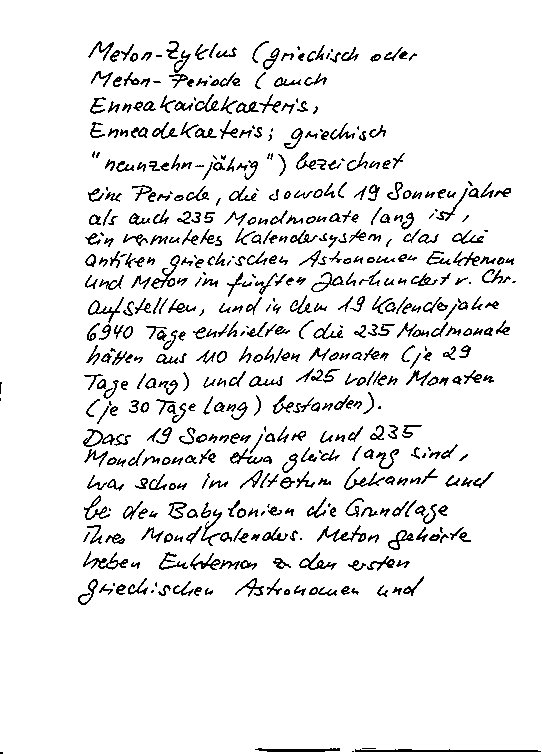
Meton-Zyklus (griechisch oder
Meton-Periode (auch
Enneakaidekaeteris,
Enneadekaeteris; griechisch
"neunzehn-jährig") bezeichnet
eine Periode, die sowohl 19 Sonnenjahre
als auch 235 Mondmonate lang ist,
ein vermutetes Kalendersystem, das die
antiken griechischen Astronomen Euktemon
und Meton im fünften Jahrhundert v. Chr.
aufstellten, und in dem 19 Kalenderjahre
6940 Tage enthielten (die 235 Mondmonate
hätten aus 110 hohlen Monaten (je 29
Tage lang) und aus 125 vollen Monaten
(je 30 Tage lang) bestanden).
Dass 19 Sonnenjahre und 235
Mondmonate etwa gleich lang sind,
war schon im Altertum bekannt und
bei den Babyloniern die Grundlage
ihres Mondkalenders. Meton gehörte
neben Euktemon zu den ersten
griechischen Astronomen und
